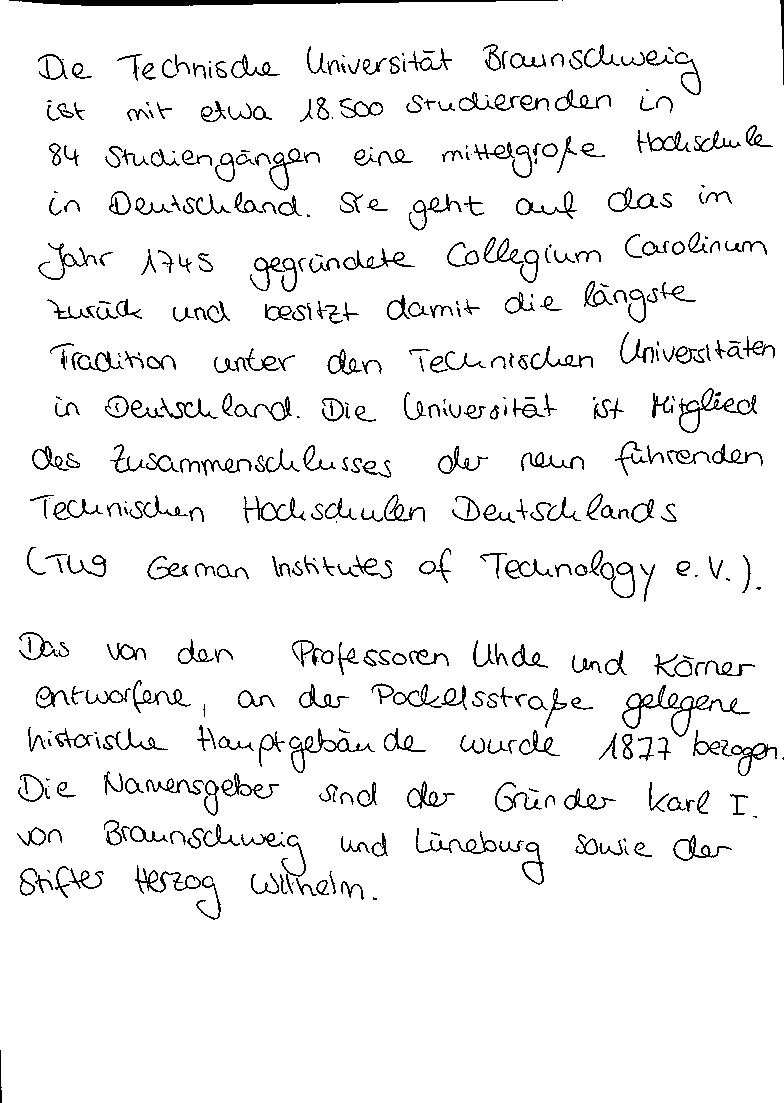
Die Technische Universität Braunschweig
ist mit etwa 18500 Studierenden in
84 Studiengängen eine mittelgroße Hochschule
in Deutschland. Sie geht auf das im
Jahr 174S gegründete Collegium Carolinum
zurück und besitzt damit die längste
Tradition unter den Technischen Universitäten
in Deutschland. Die Universität ist Mitglied
des Zusammenschlusses der neun führenden
Technischen Hochschulen Deutschlands
(TU9 German Institutes of Technology e. V.).
Das von den Professoren Uhde und Körner
entworfene, an der Pockelsstraße gelegene
historische Hauptgebäude wurde 1877 bezogen.
Die Namensgeber sind der Gründer Karl I.
von Braunschweig und Lüneburg sowie der
Stifter Herzog Wilhelm.
